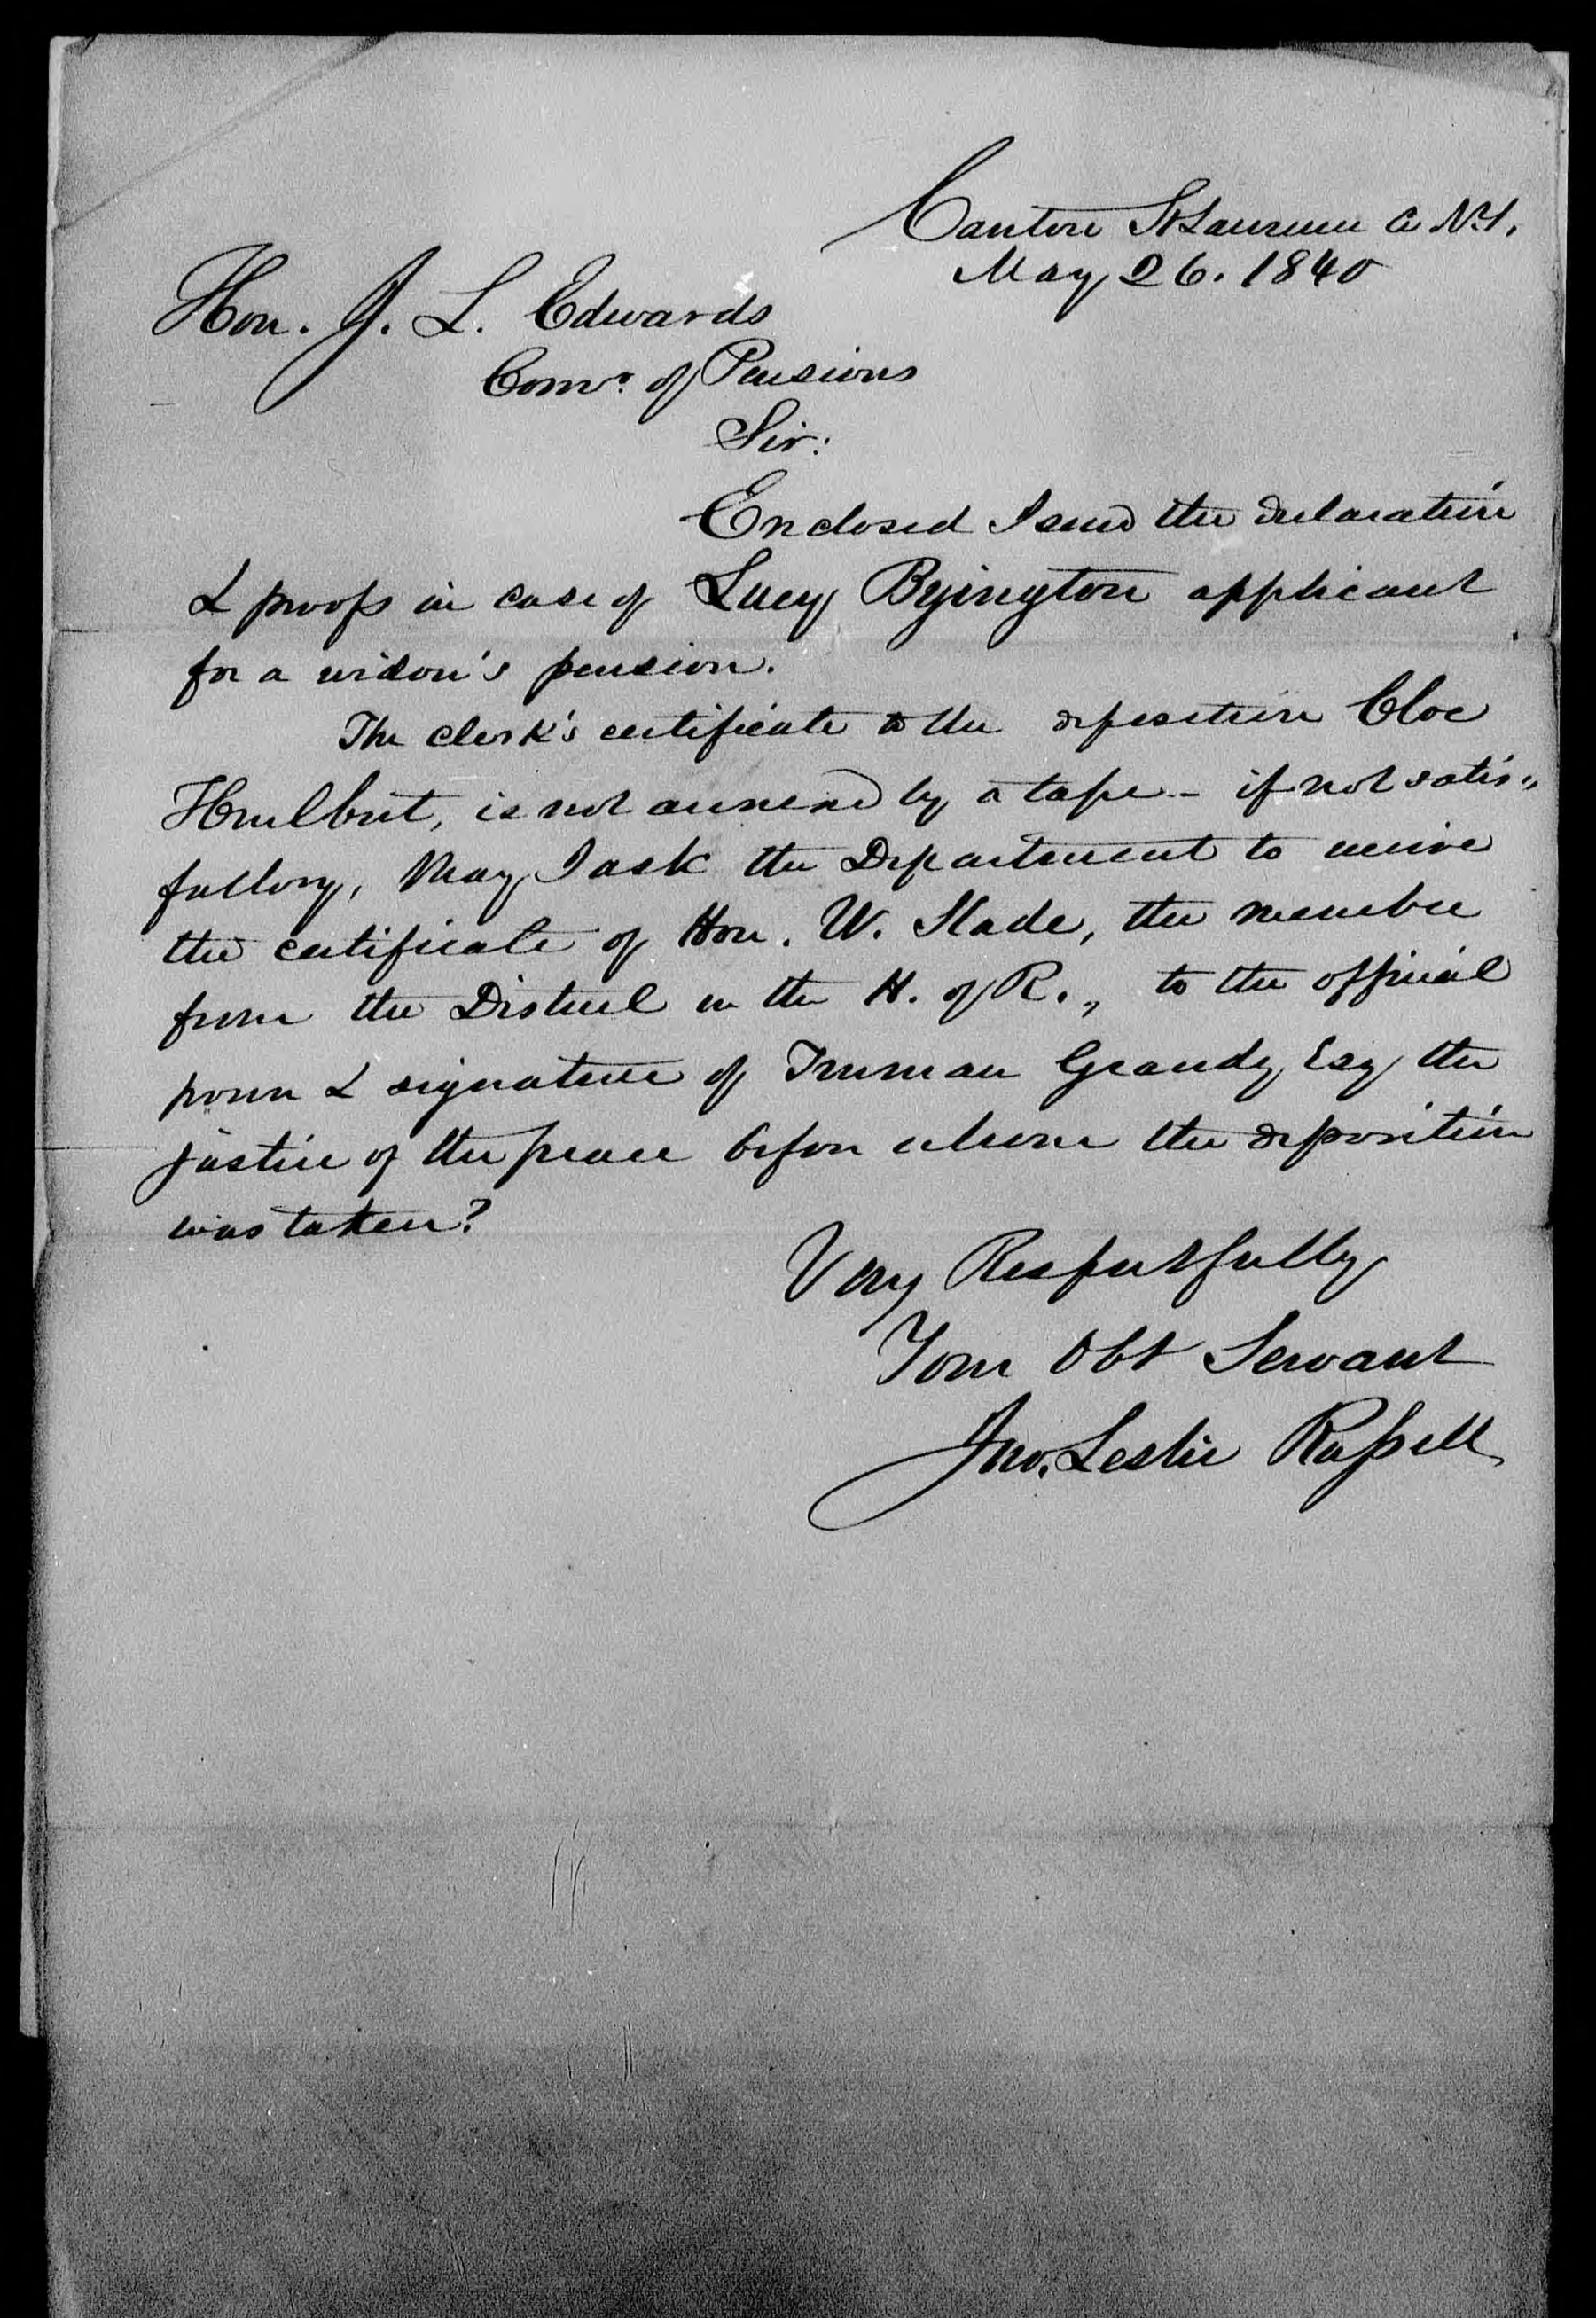Canton St. Lawrence Co N.Y.
May 26, 1840

Hon. J. L. Edwards
Com. of Pensions
Sir:
Enclosed I send the declaration of proofs in case of Lucy Byington applicant for a widow's pension.
The Clerk's certificate to the (illegible) Cloe Hurlbut, is not (illegible) by a tape-if not satisfactory, May I ask the Department to revise this certificate of Hon. W. Hade, the member from the District in the H. of R., to the official (illegible) & signature of Truman Grandy Esq the Justice of the Peace before release the deposition was taken?
Very Respectfully
Your Obt Servant
Jno. Leslie Russell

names: J L Edwards, Cloe Hurlbut, Truman Grandy, Lucy Byington, W Slade, Jno Leslie Russell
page: 50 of 79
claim: widow's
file: W. 23754, Justus Byington, Conn.